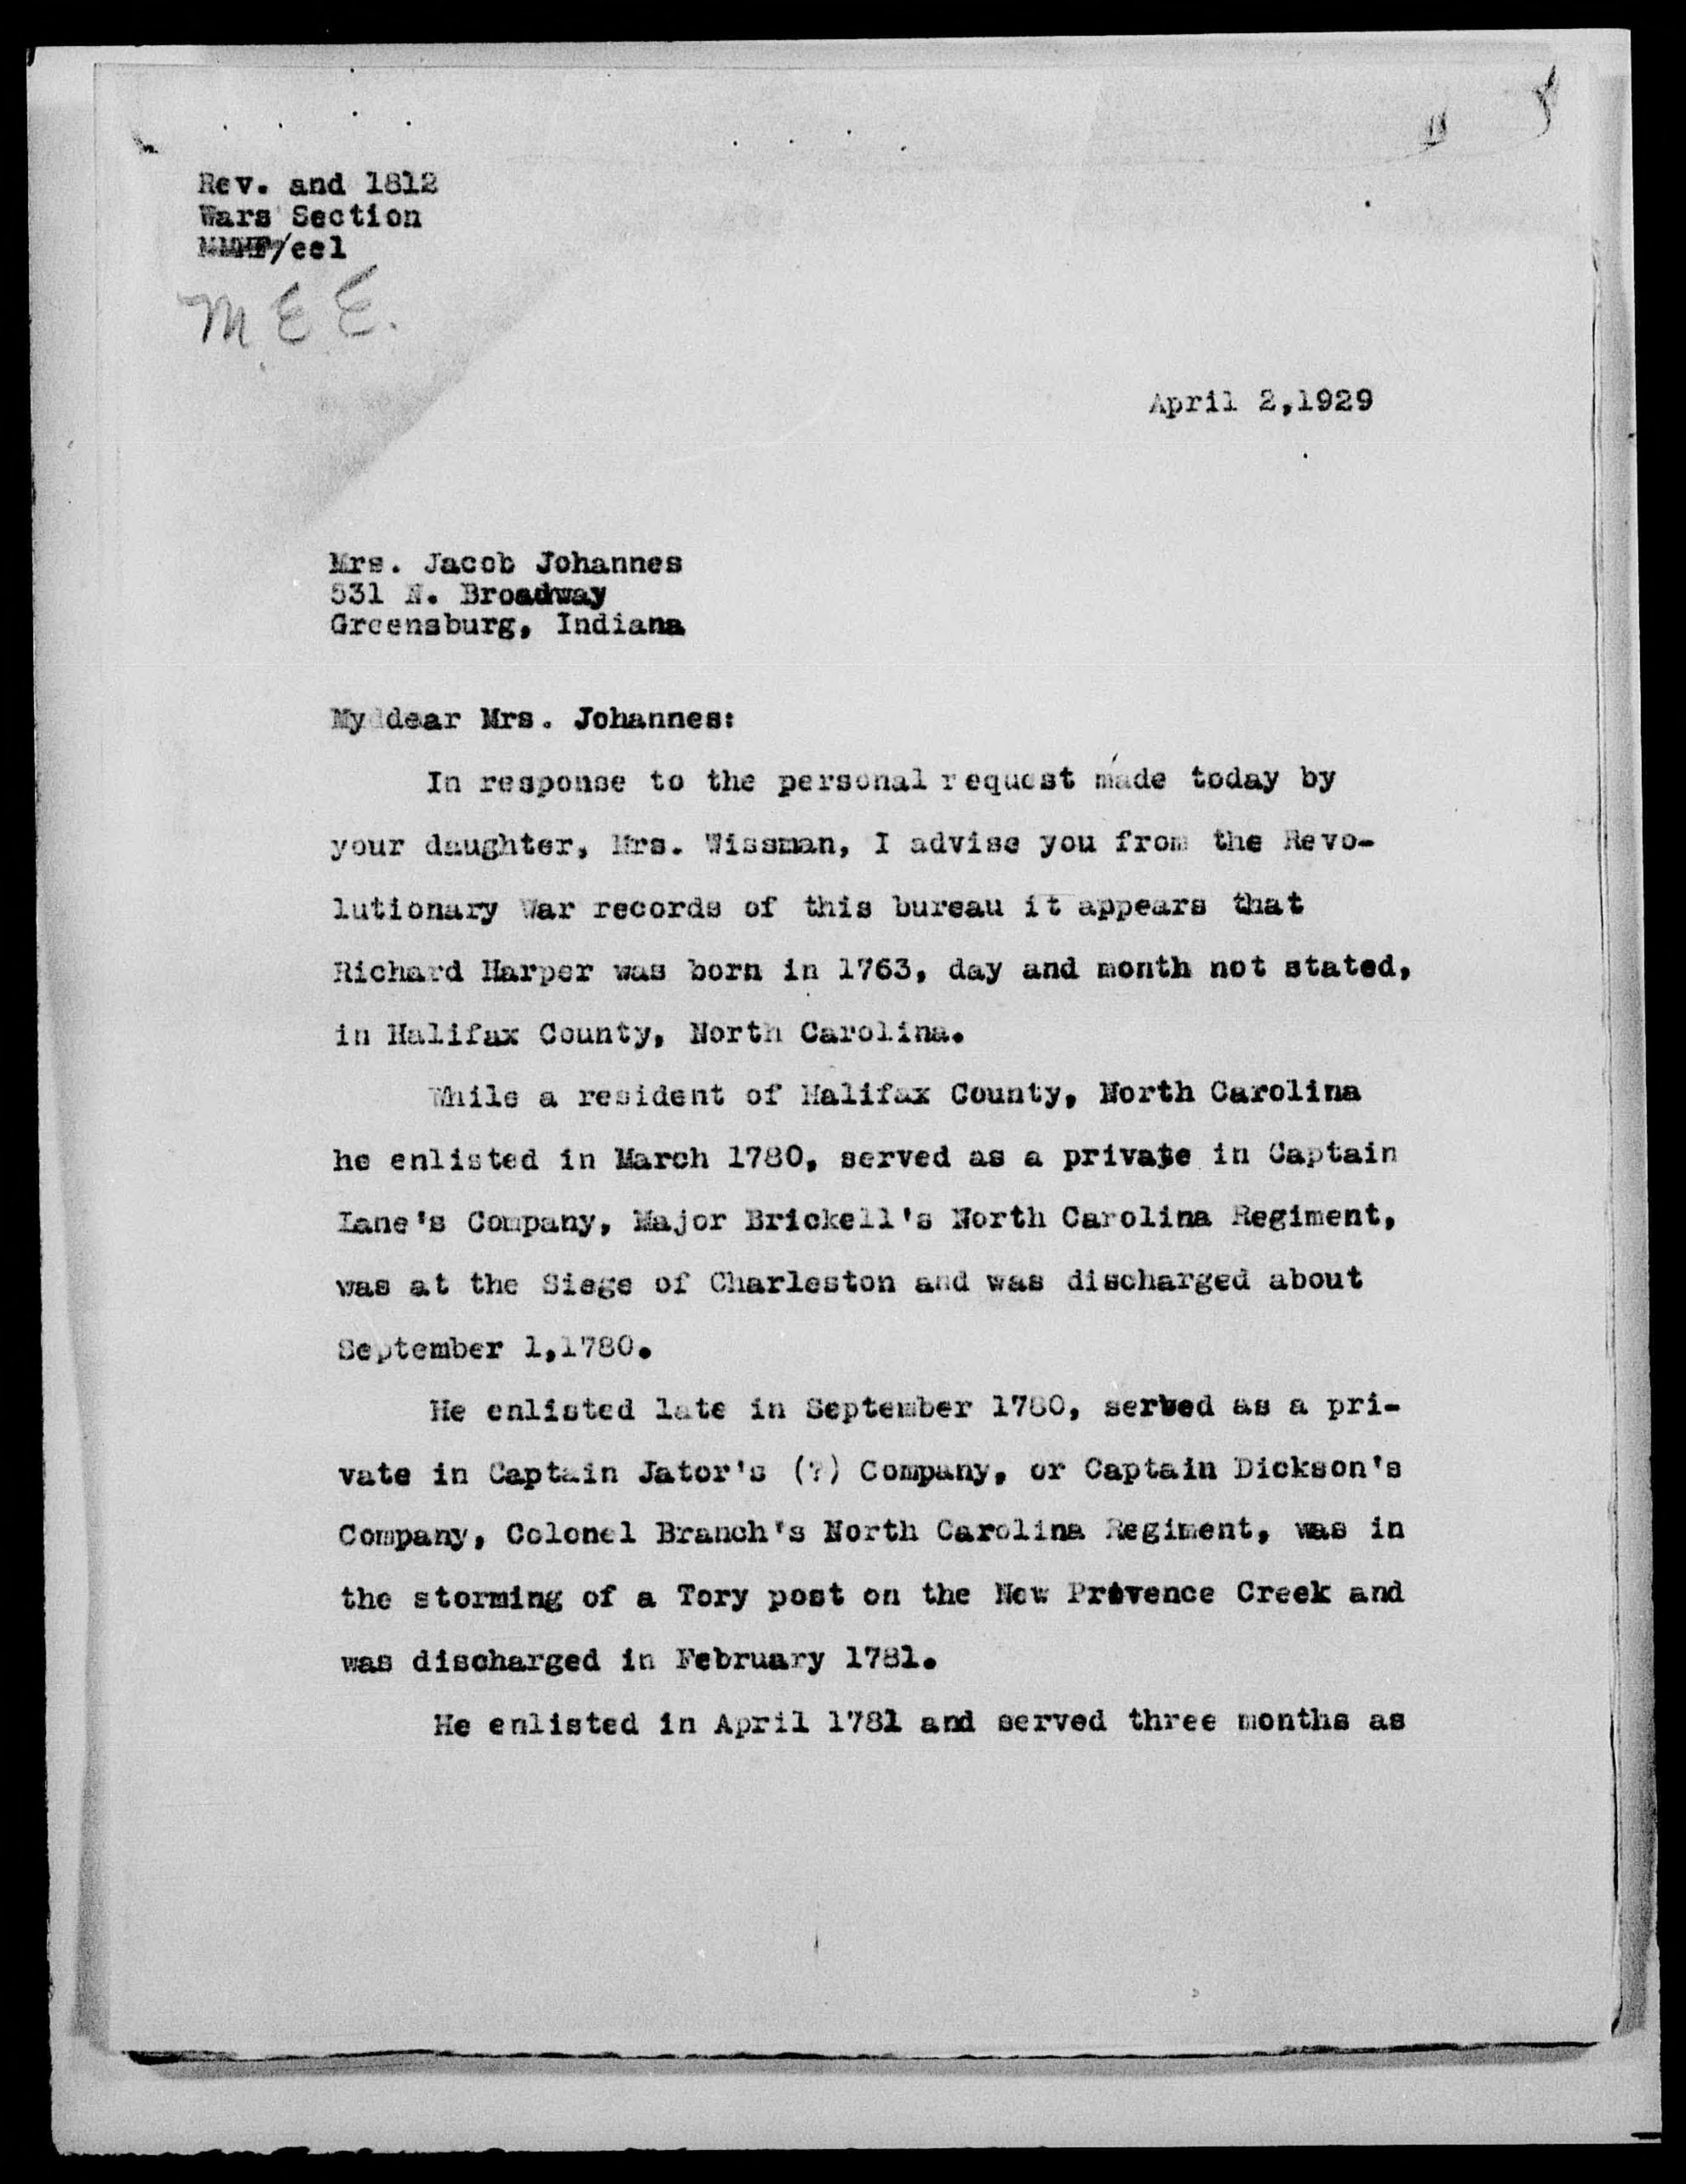Rev. and 1812
Wars Section
[MMT - crossed out] /eel
M. M. E.  (handwritten)

April 2, 1929

Mrs. Jacob Johannes
531 N. Broadway
Greensburg, Indiana

My dear Mrs. Johannes:
In response to the perssonal request made today by your daughter, Mrs. Wissman, I advise you from the Revolutionary War record of this bureau it appears that Richard Harper was born in 1763, day and month not stated, in Halifax County, North Carolina.
While a resident of Halifax County, North Carolina he enlisted in March 1780, served as a private in Captain Jator's (?) Company, or Captain Dickson's Company, Colonel Branch's North Carolina Regiment, was in the storming of a Tory post on the New Provence Creek and was discharged in February 1781.
He enlisted in April 1781 and served three months as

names: Johannes, Jacob Johannes, Wissman, Richard Harper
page: 38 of 81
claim: survivor's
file: S. 1908, Richard Harper, N.C.